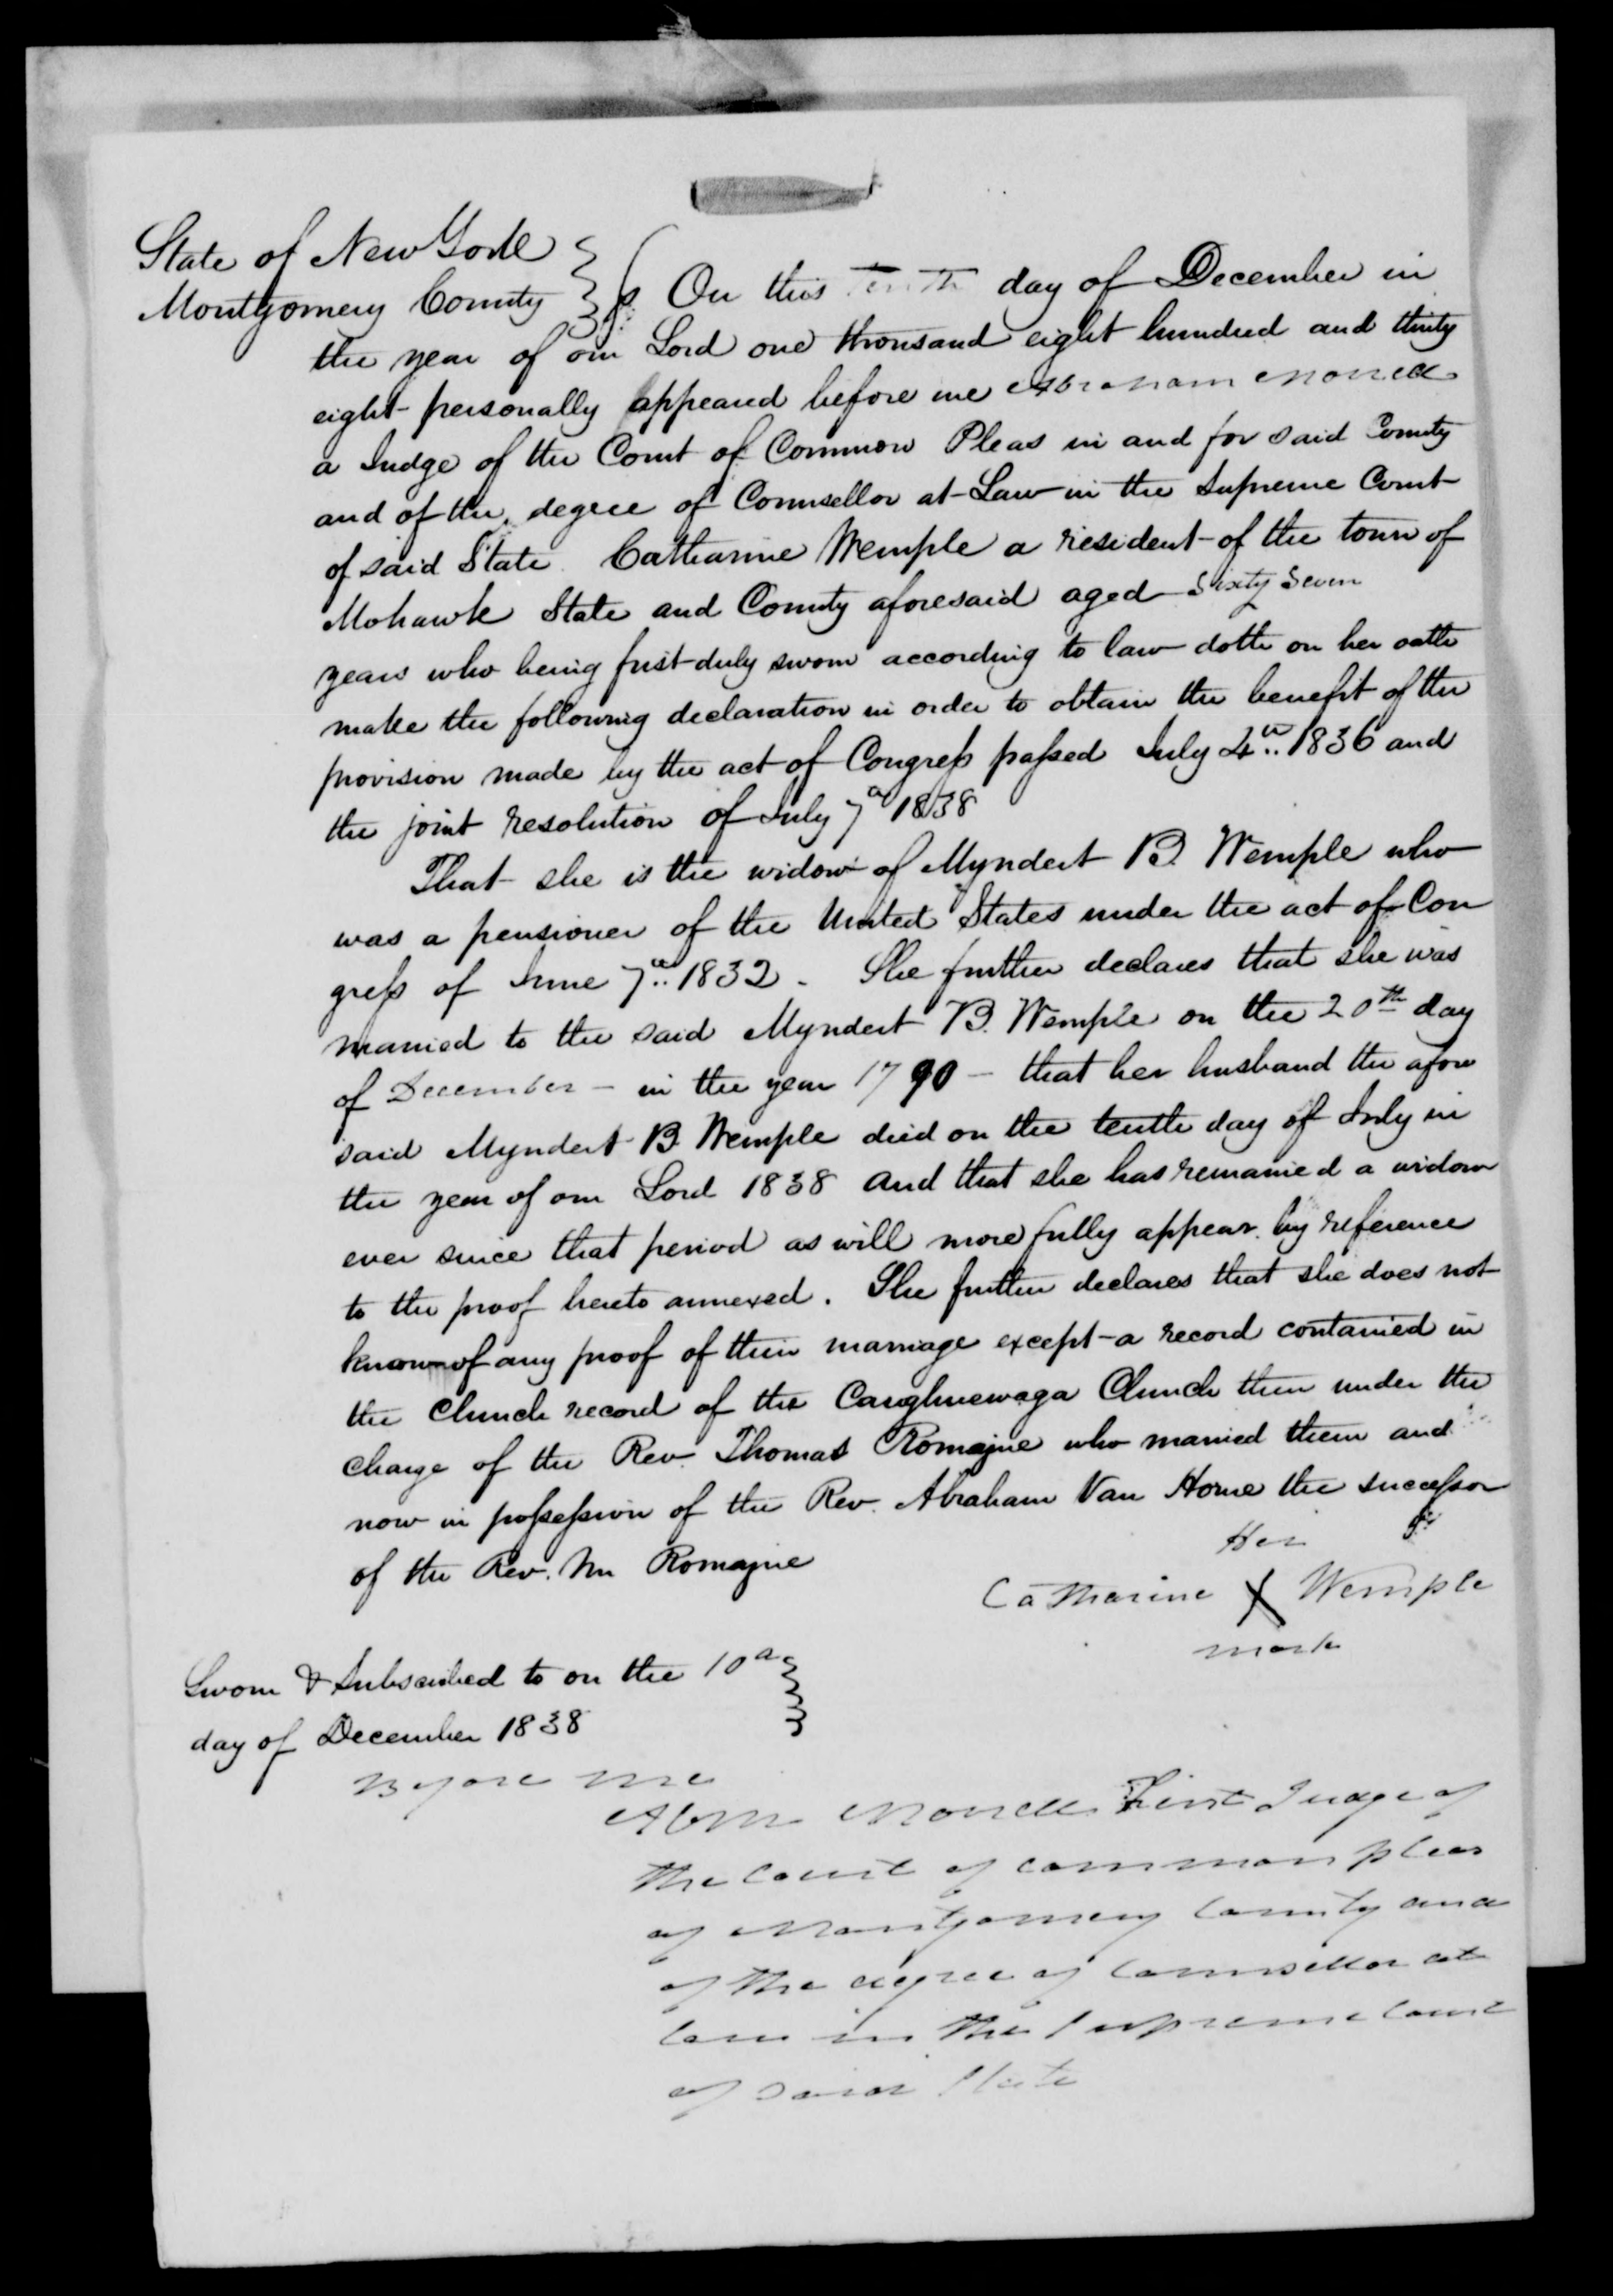State of New York}
Montgomery County}  ss
On this tenth day of December in
the year of our Lord one thousand eight hundred and thirty
eight personally appeared before me Abraham Morrell
a Judge of the Court of Common Pleas in and for said County
and of the degree of Counsellor at Law in the Supreme Court
of said State Catharine Wemple a resident of the town of
Mohawk State and County aforesaid aged sixty seven
years who being first duly sworn according to law doth on her oath
make the following declaration in order to obtain the benefit of the
provision made by the act of Congress passed July 4th 1836 and
the joint resolution of July 7th 1838
That she is the widow of Myndert B Wemple who
was a pensioner of the United States under the act of Congress
of June 7th 1832. She further declares that she was
married to the said Myndert B Wemple on the 20th day
of December in the year 1790-- that her husband the aforesaid
Myndert B Wemple died on the tenth day of July in
the year of our Lord 1838 and that she has remained a widow
ever since that period as will more fully appear by reference
to the proof hereto annexed. She further declares that she does not
know of any proof of their marriage except a record contained in
the Church record of the Caughnewaga(Caughnawaga) Church then under the
charge of the Rev. Thomas Romajne(Romeyn) who married them and
now in possession of the Rev. Abraham Van Horne the successor
of the Rev. M Romajne(Romeyn)

Her
Catharine  X   Wemple
Mark

Sworn & Subscribed to on the 10a(th)}
day of December 1838}
Before me
Abrm Morrell First Judge of
the Court of Common pleas
of Montgomery County and
of the degree of Counsellor at
law in the Supreme Court
of said State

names: Abm Morrell, Thomas Romayne, Abraham Van Horne, Myndert B Wemple, Romayne, Catharine Wemple, Abraham Morrell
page: 16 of 51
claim: widow's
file: W. 19604, Myndert B Wemple, New York